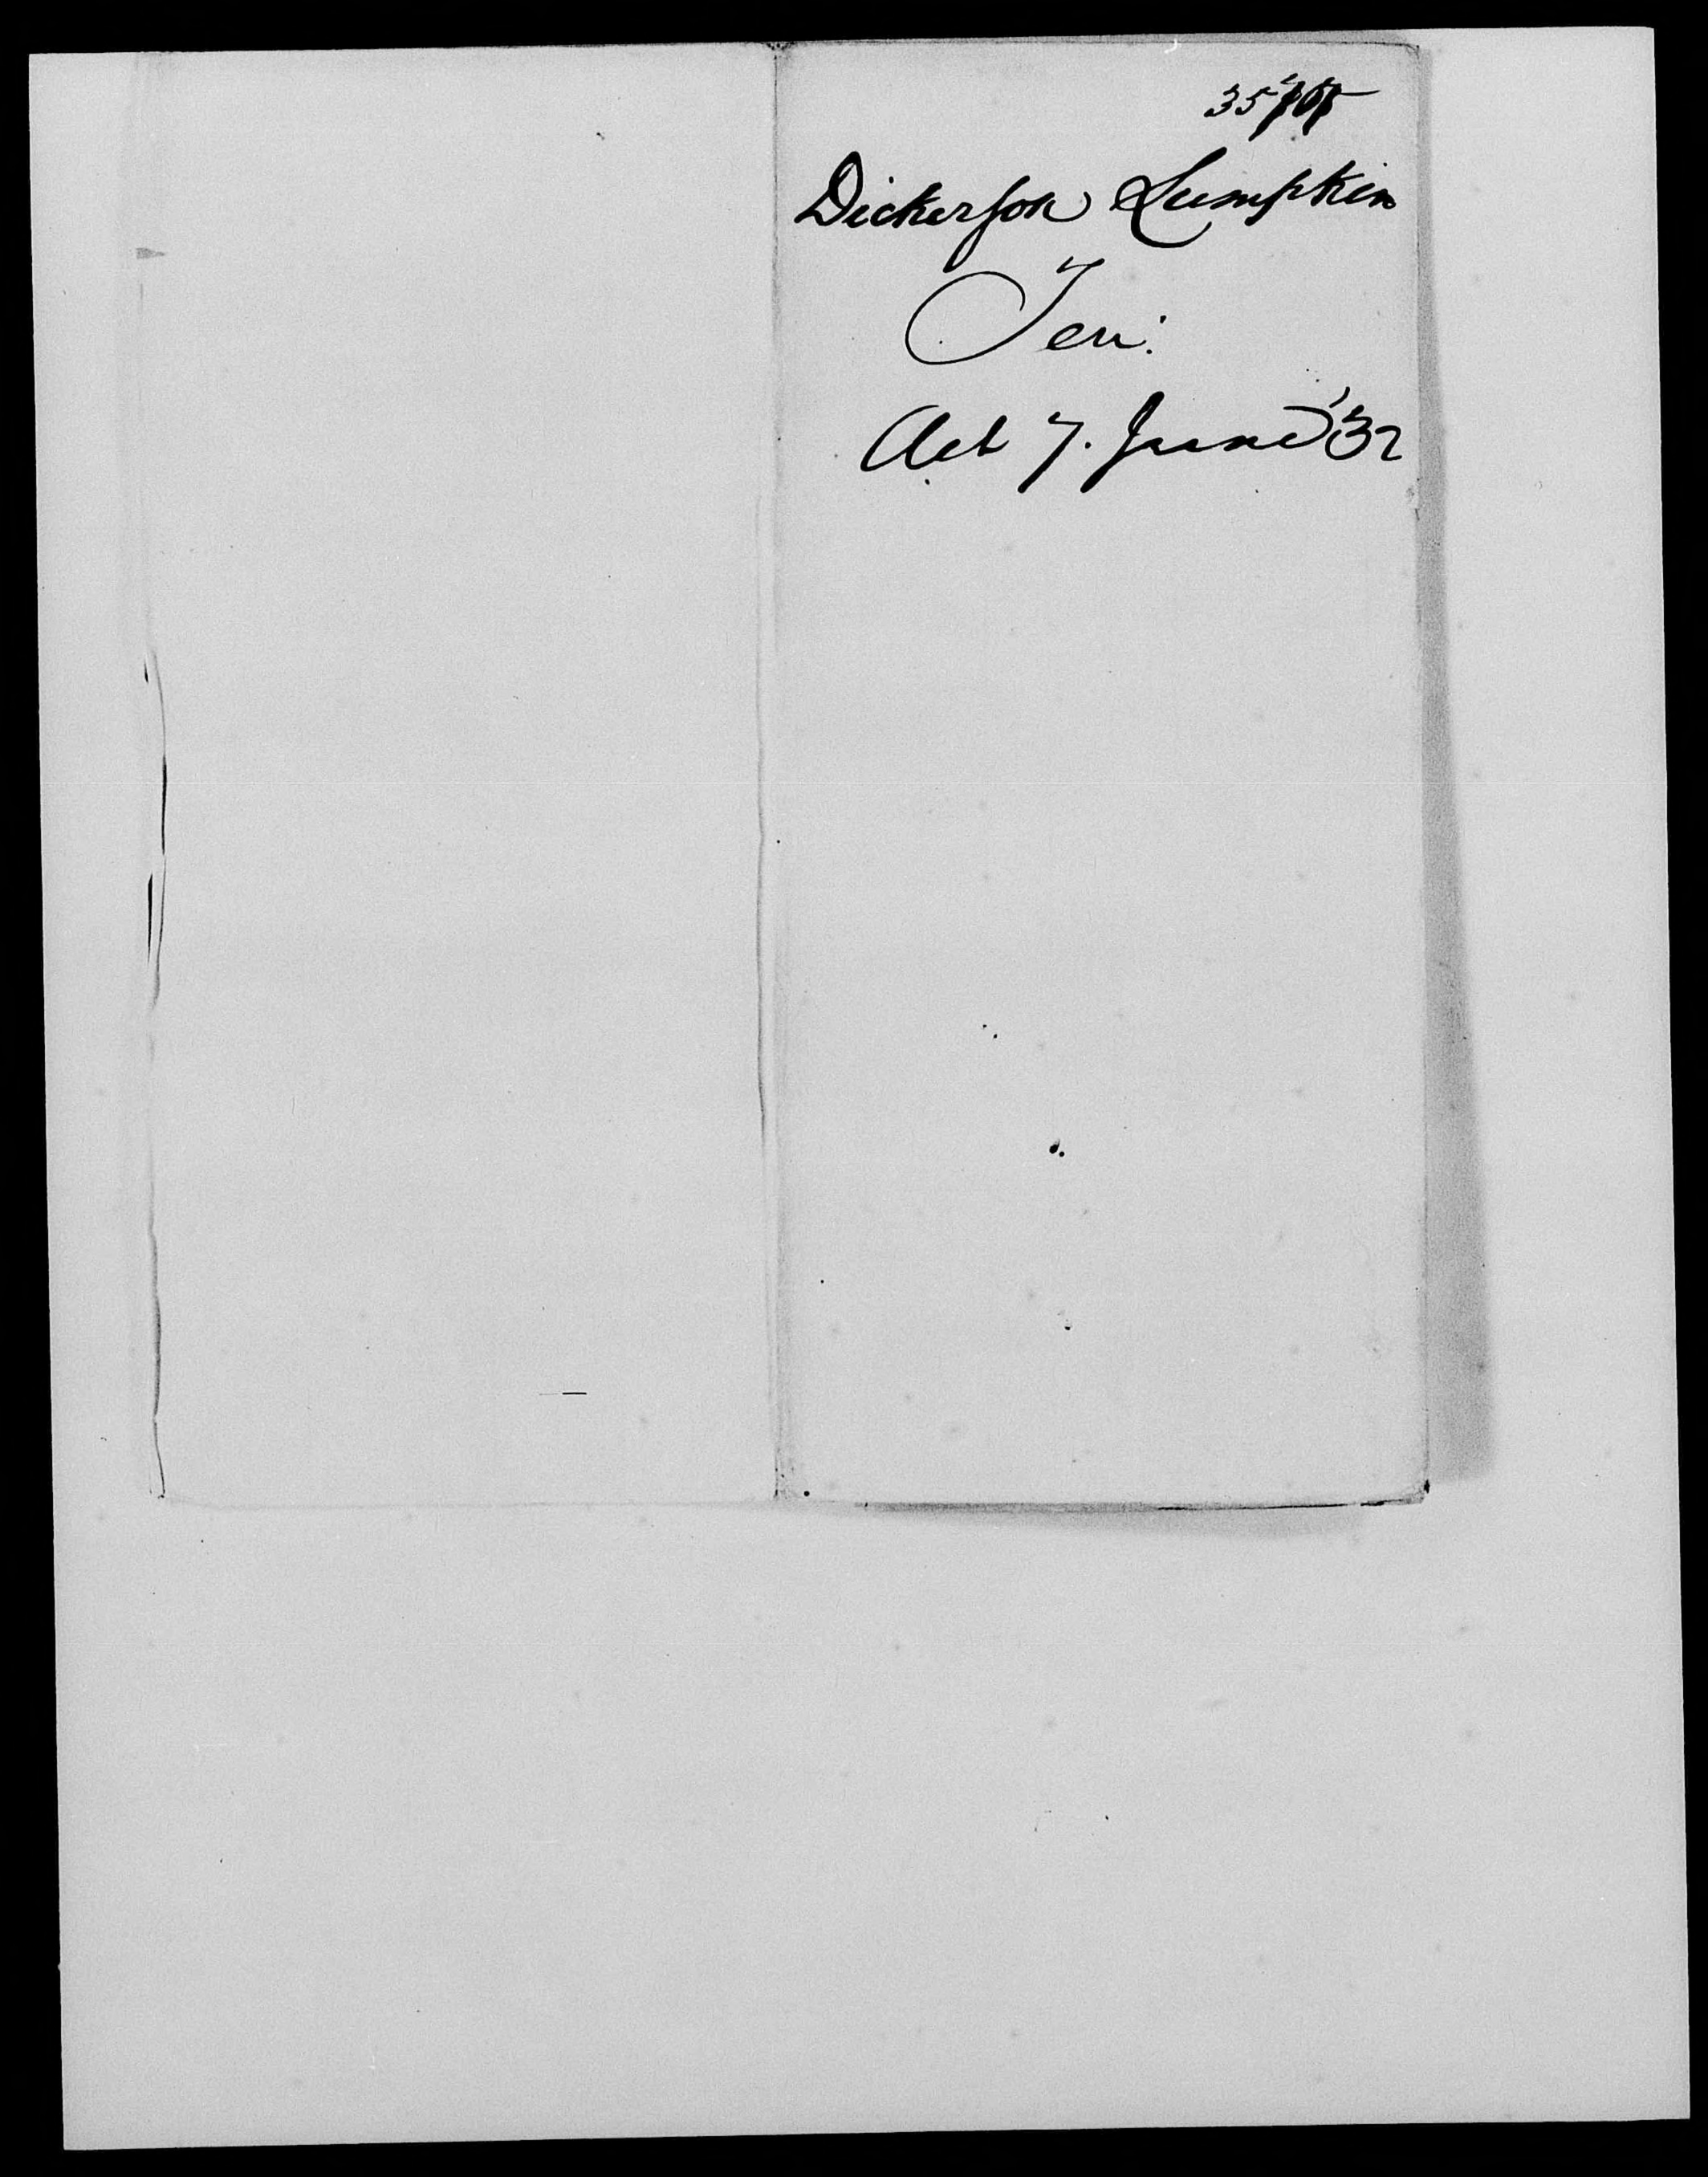(Handwritten document)

35101
Dickerson Lumpkins
Ten.
Act 7 June '32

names: Dickerson Lumpkin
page: 25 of 37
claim: rejected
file: R. 6521, for Dickeson Lumpkin, Pennsylvania